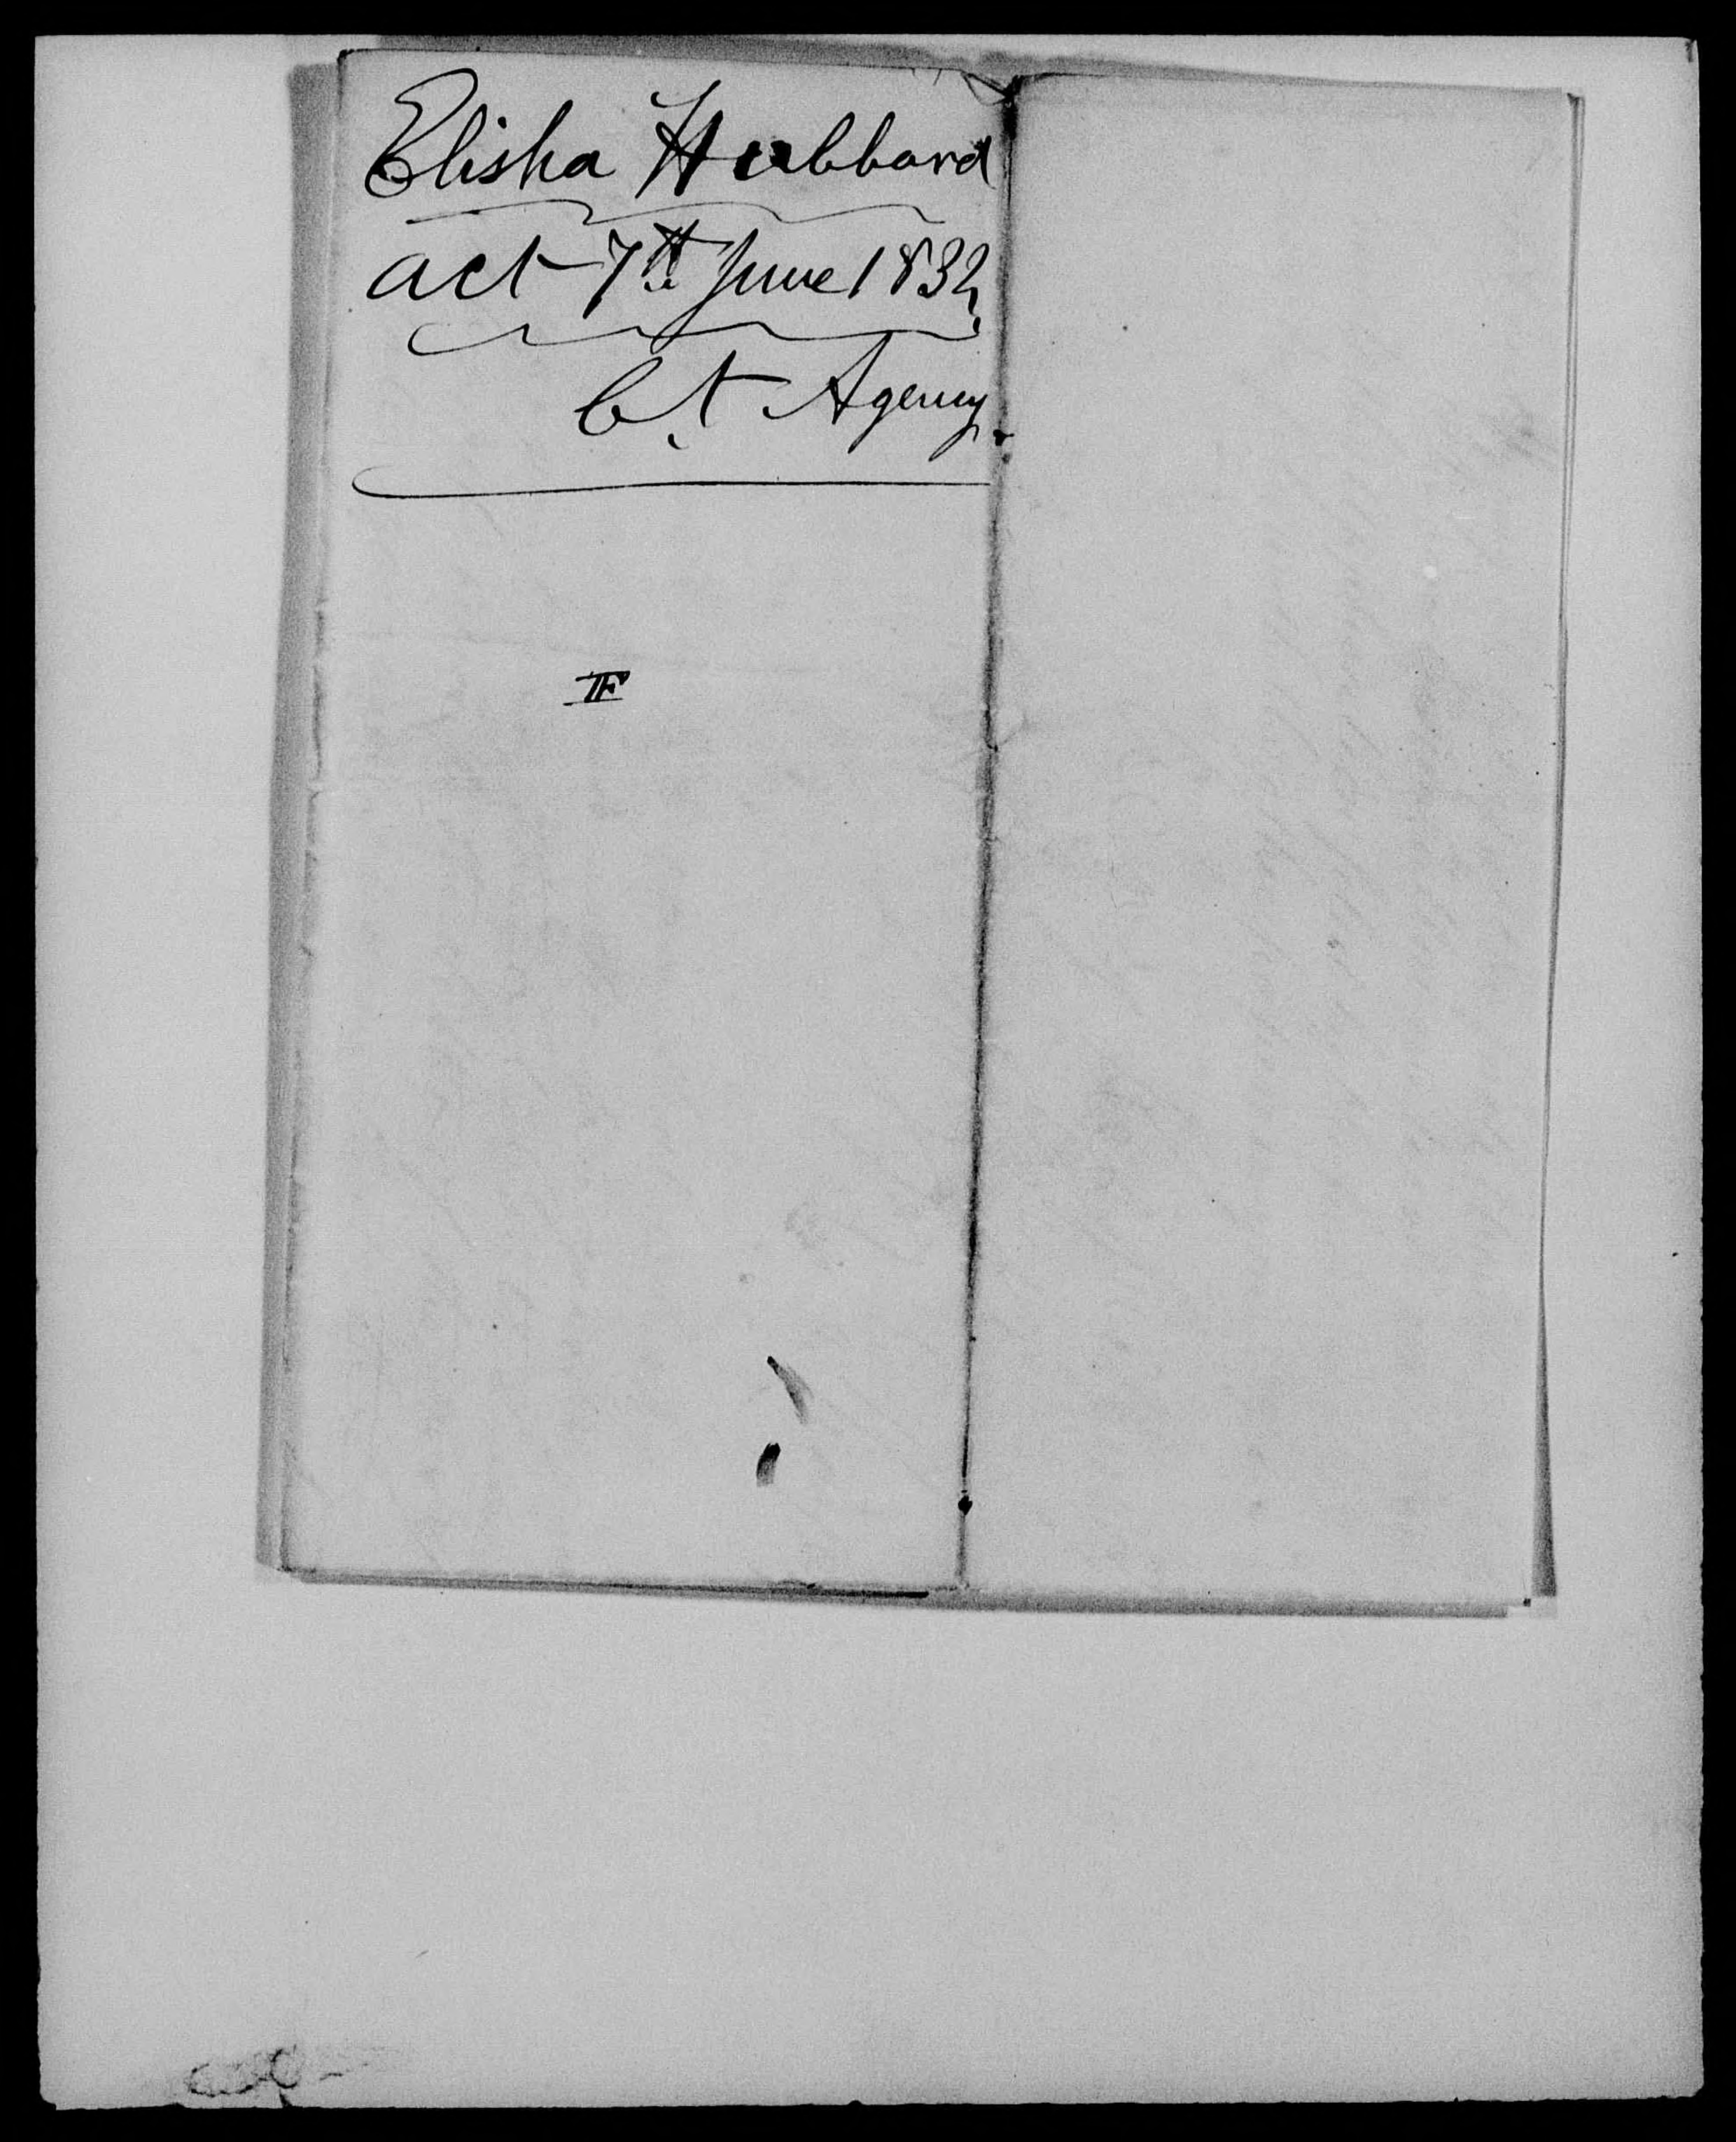Elisha Hubbard

Act 7th June 1832

Ct Agency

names: Elisha Hubbard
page: 56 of 63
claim: survivor's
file: S. 18457, Elisha Hubbard, Conn. Continental